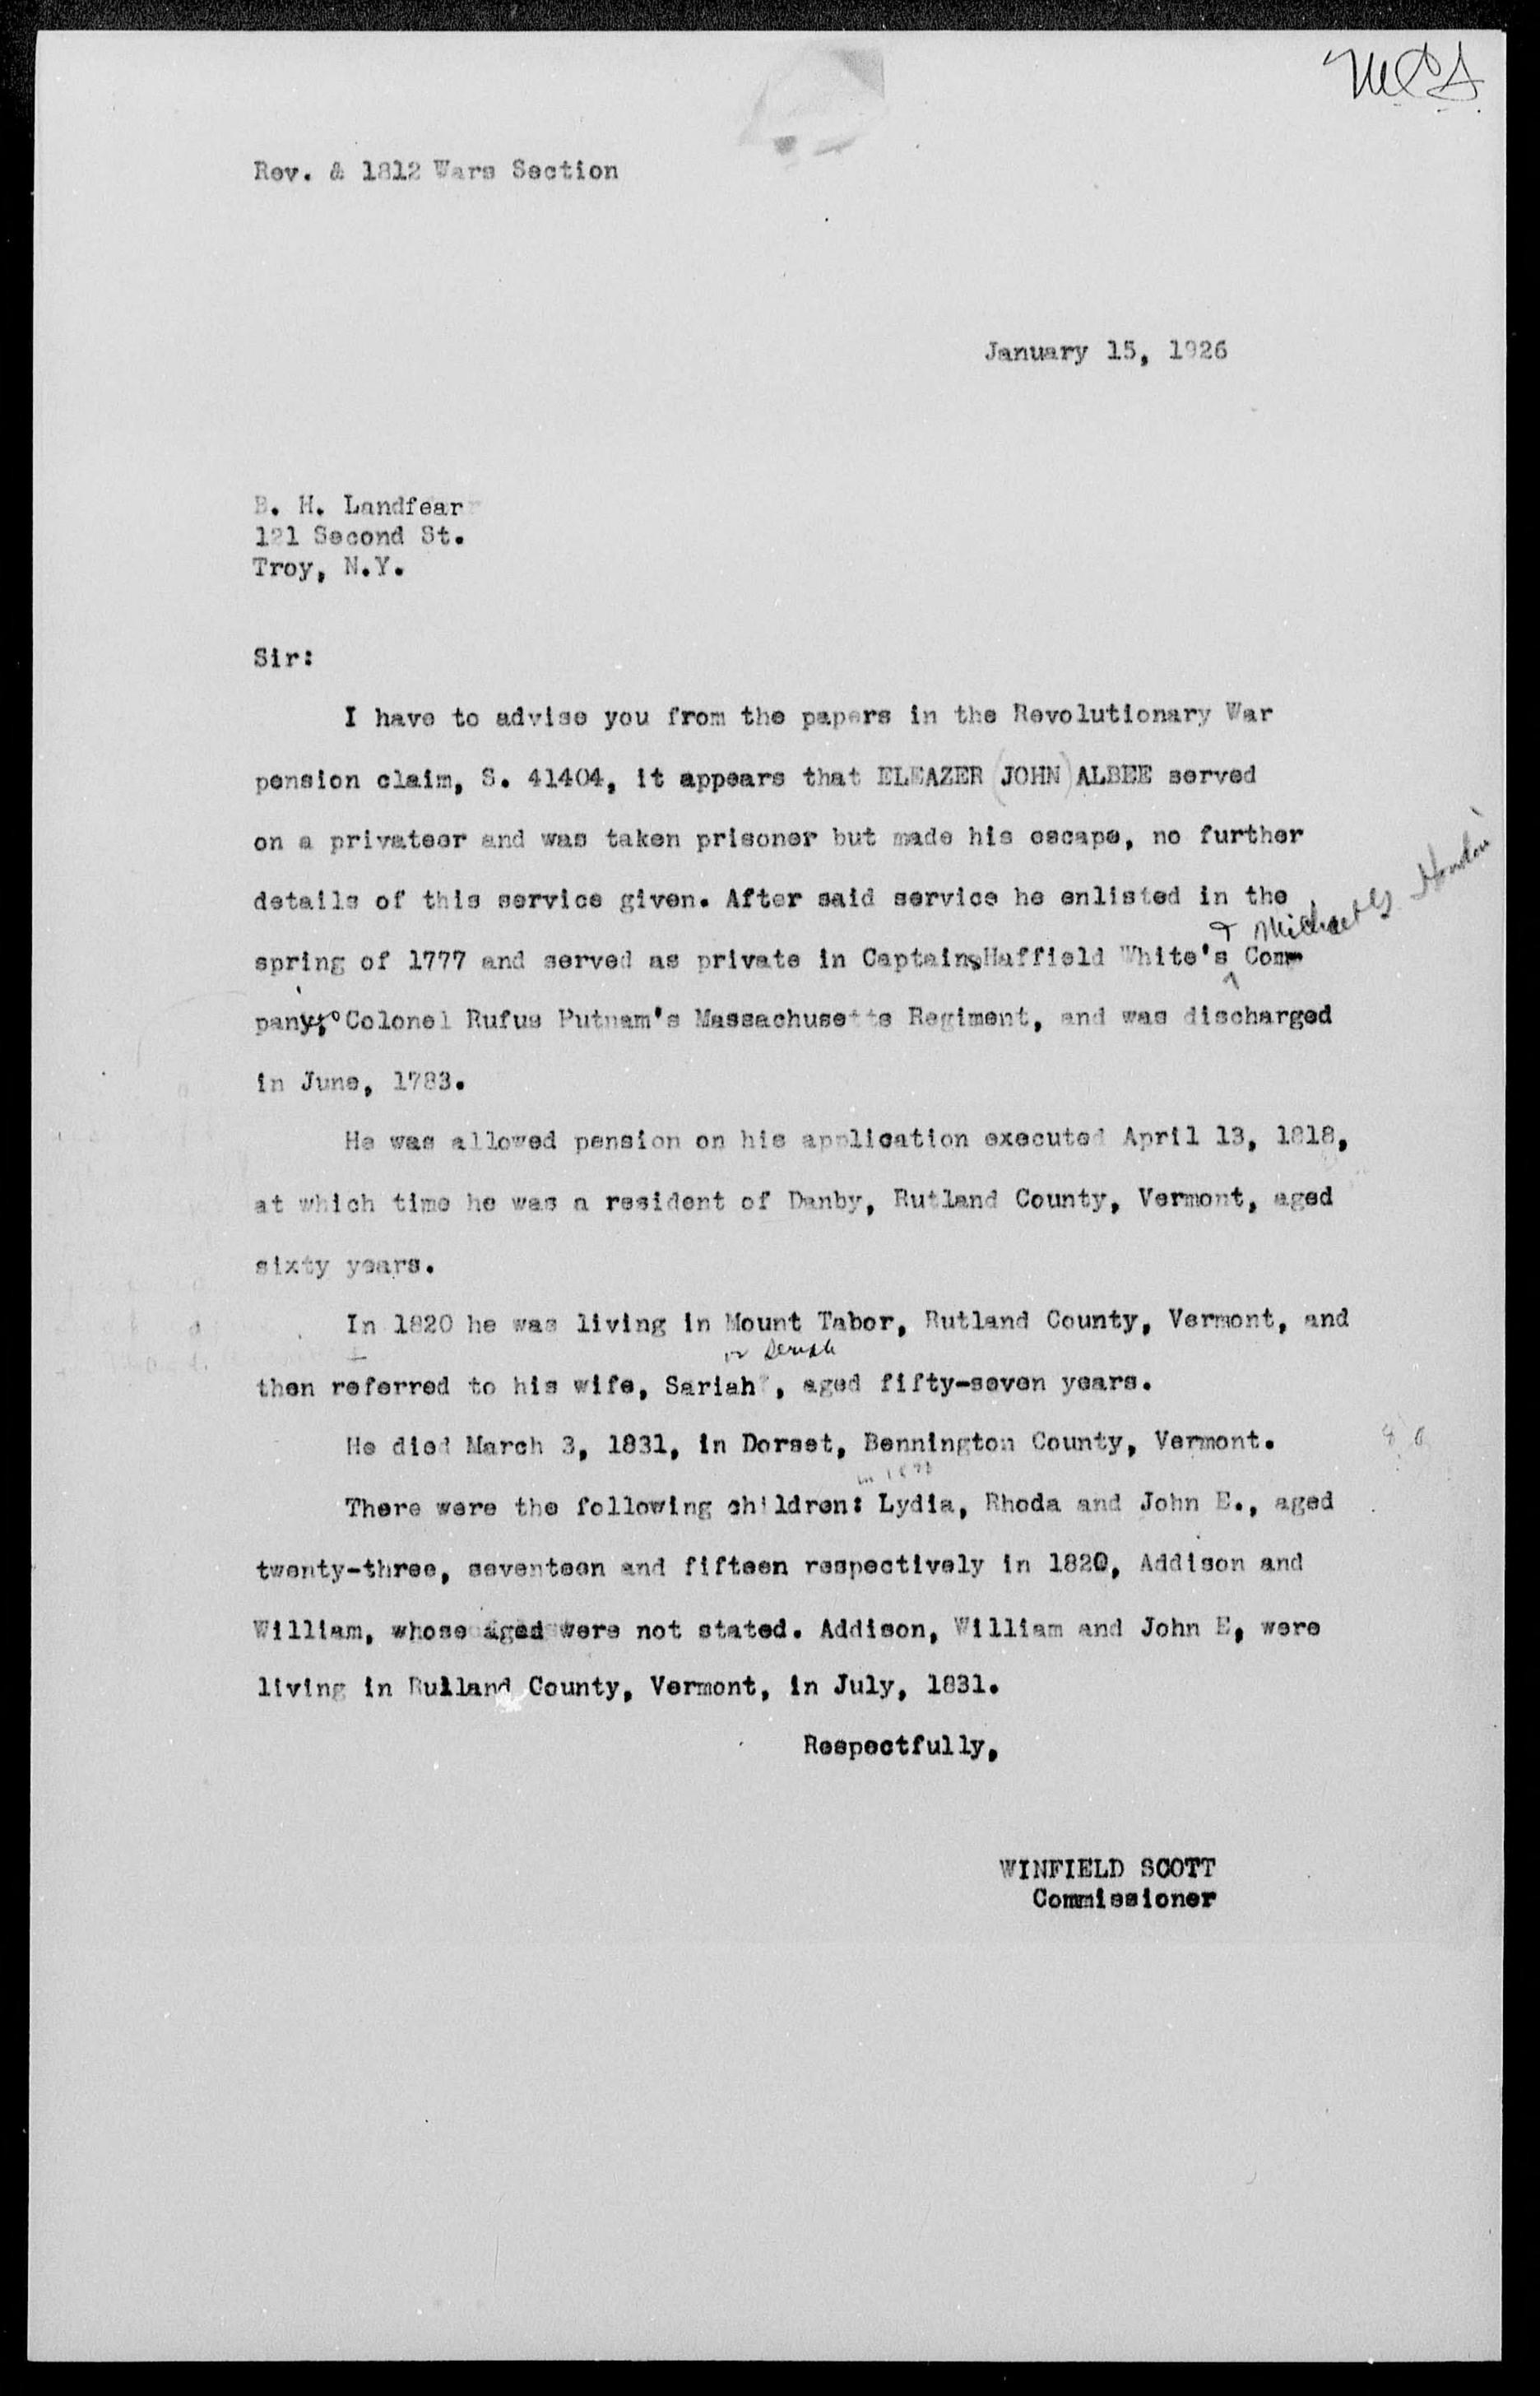Rev. & 1812 Wars Section

January 15, 1926

B.H. Landfear
121 Second St.
Troy, N.Y.


Sir:

I have to advise you from the papers in the Revolutionary War pension claim, S.41404, it appears that ELEAZER (JOHN) ALBEE served on a privateer and was taken prisoner but made his escape, no further details of this service given. After said service he enlisted in the spring of 1777 and served as private in Captain Haffield White's and Michael Houdon's Company and Col. Rufus Putnam's Massachusetts Regiment, and was discharged in June, 1783.

He was allowed pension on his application executed April 13, 1818, at which time he was a resident of Danby, Rutland County, Vermont aged sixty years.
In 1820 he was living in Mount Tabor, Rutland County, Vermont, and then referred to his wife, Sariah, or Seriah, aged fifty-seven years. 
He died March 3, 1831, in Dorset, Bennington County, Vermont. 
There were the following children:  Lydia, Rhoda and John E., aged twenty-three, seventeen, and fifteen, respectively in 1820, Addison and William whose ages were not stated.  Addison , William and John E., were living in Rutland County, Vermont, in July 1831.

Respectfully,

Winfield Scott
Commissioner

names: William, John Albee, Rhoda, B H Landfear, Winfield Scott, Eleazer Albee, Addison, Sariah, Addison, William, Lydia, John E, John E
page: 26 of 29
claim: survivor's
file: S 41404, Eleazer John Albee, Mass. Privateer